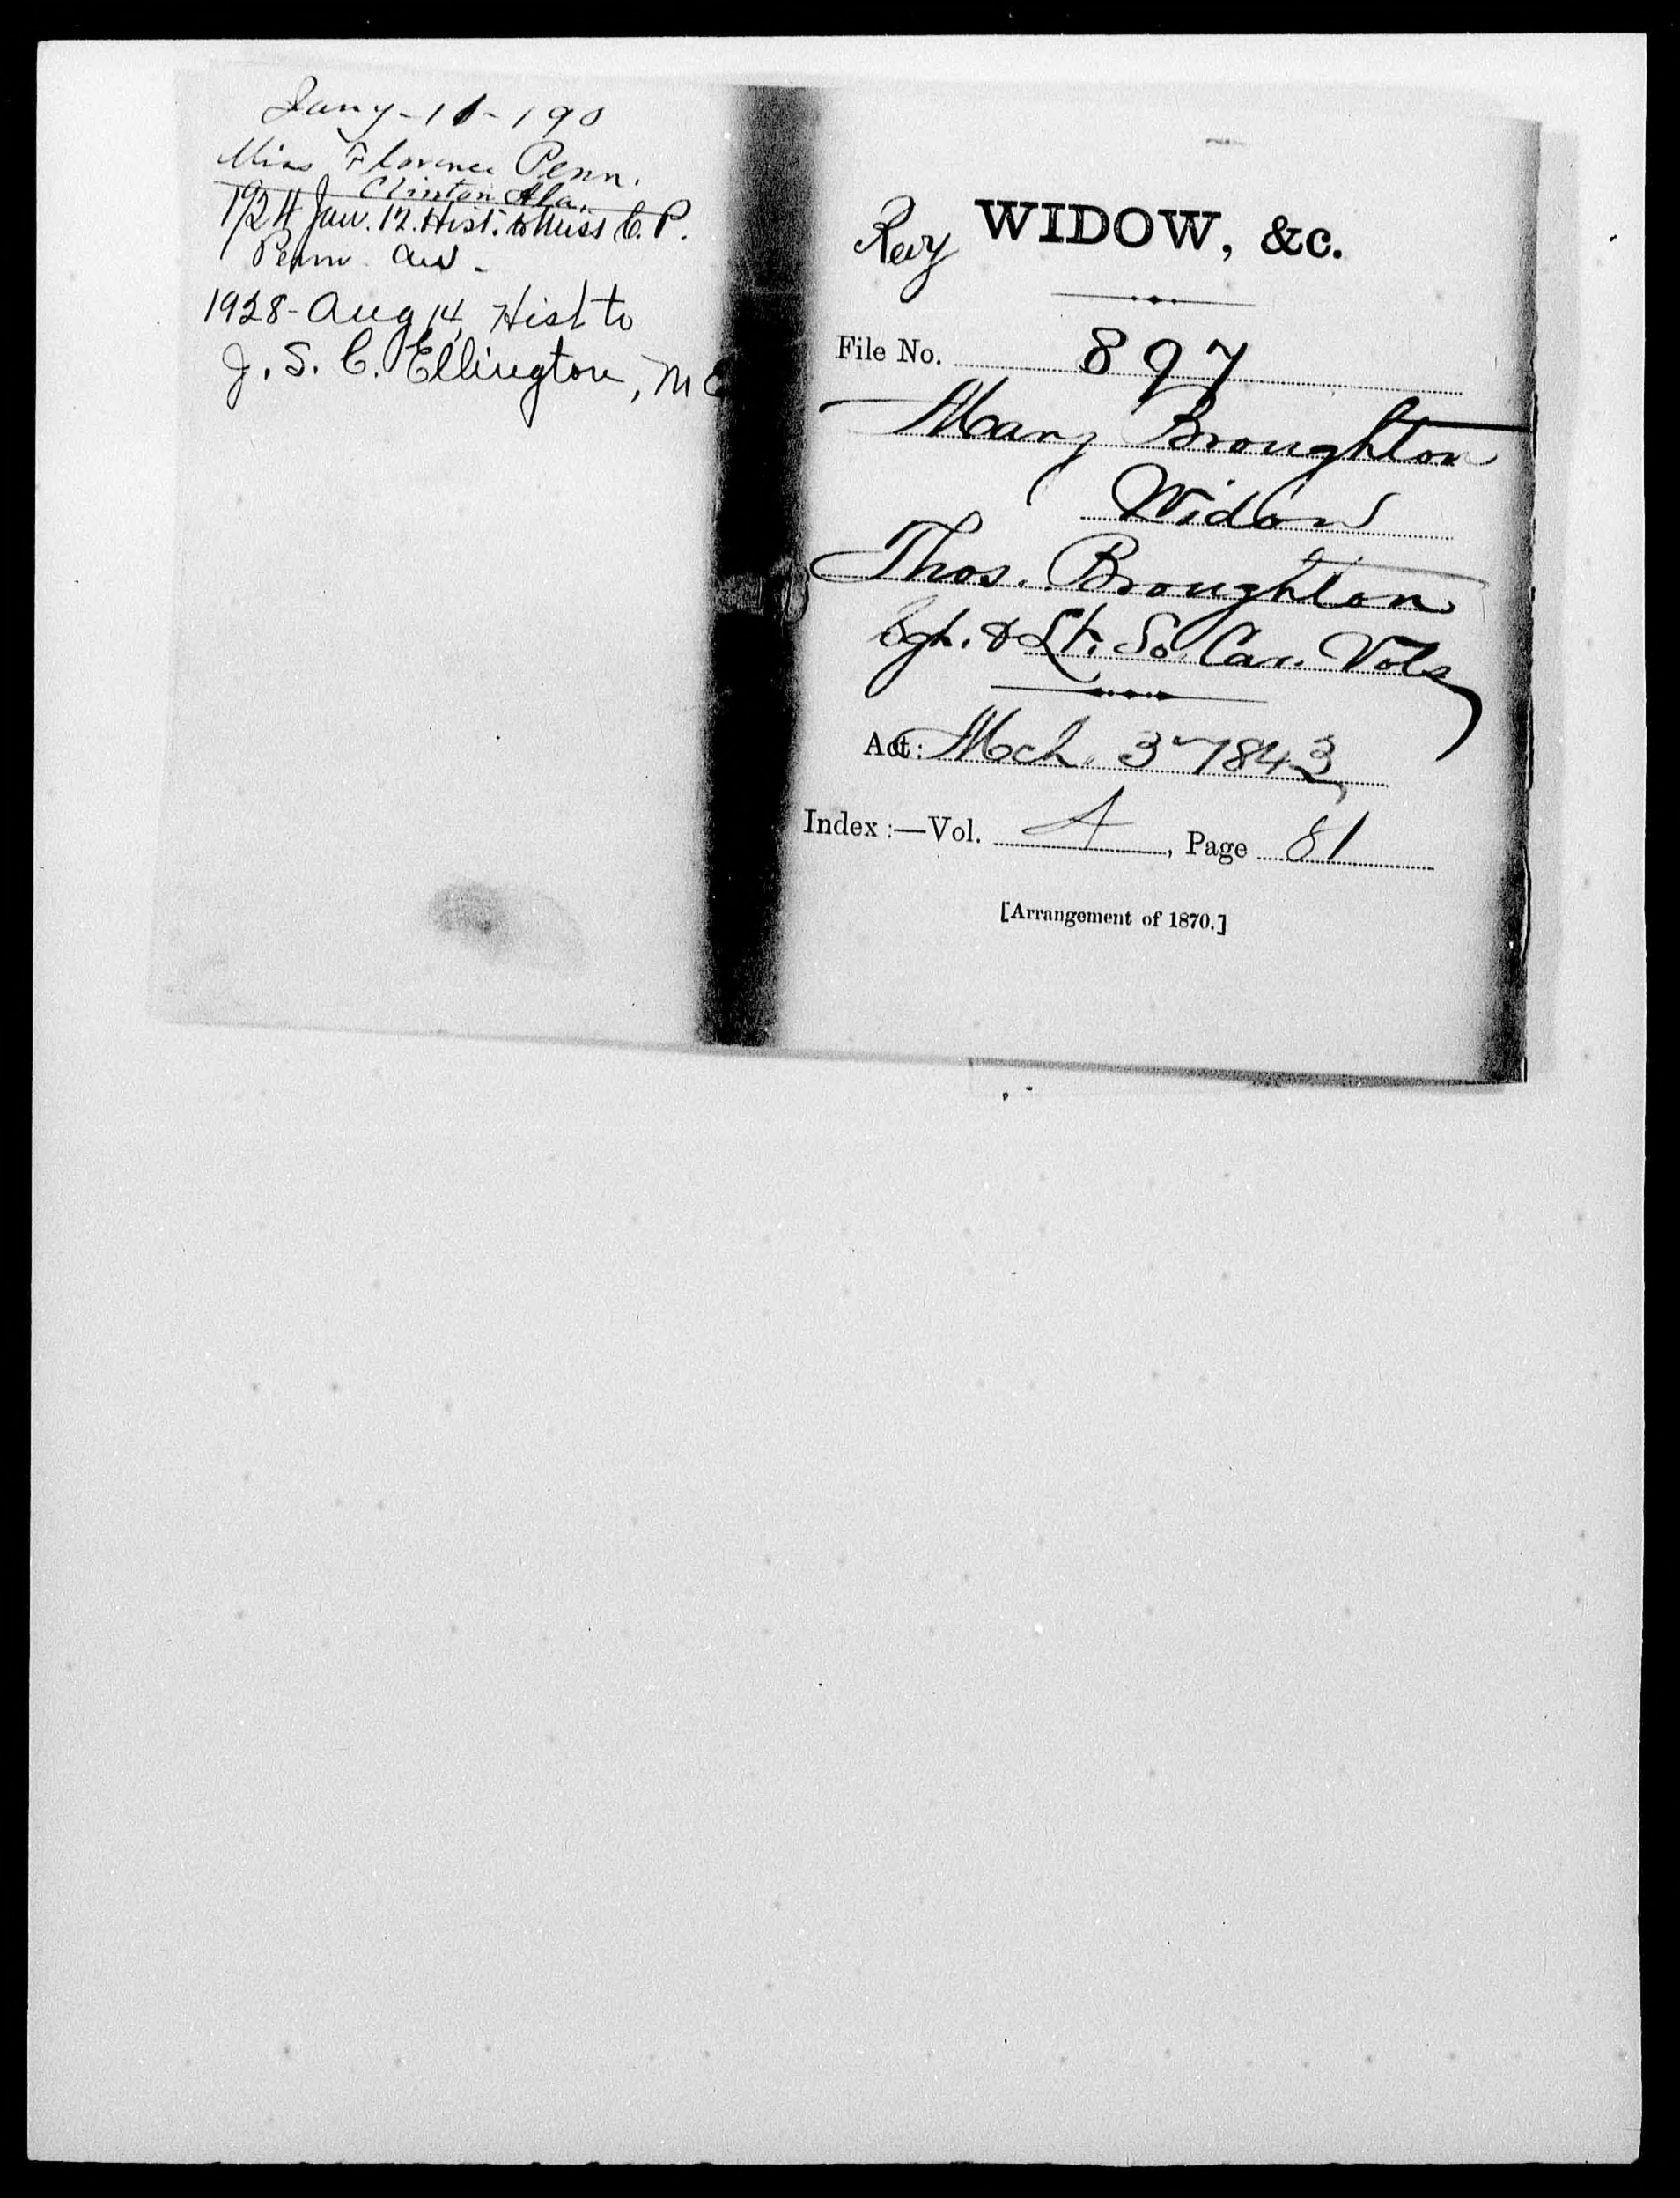Jany - 11-  19    0
Miss Florence Penn
Clinton Ala.
___________________
1924 Jan. 12. Hist. to Miss C. P.
Penn and -
1928 - Aug 14, Hist to
J. S. C. Ellington, [illegible]


Revy
WIDOW, &c.
_________
File No. 897
Mary Broughton
Widow
Thos. Broughton 
Sgt. & Lt. So. Car. Vols
_________
-
Act: Mch. 3 1843
Index: -- Vol. A,   Page 81
[Arrangement of 1870.]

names: Florence Penn, J S C Ellington, C P Penn, Mary Broughton, Thos Broughton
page: 72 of 72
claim: widow's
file: W. 897, Thomas Broughton, S.C.